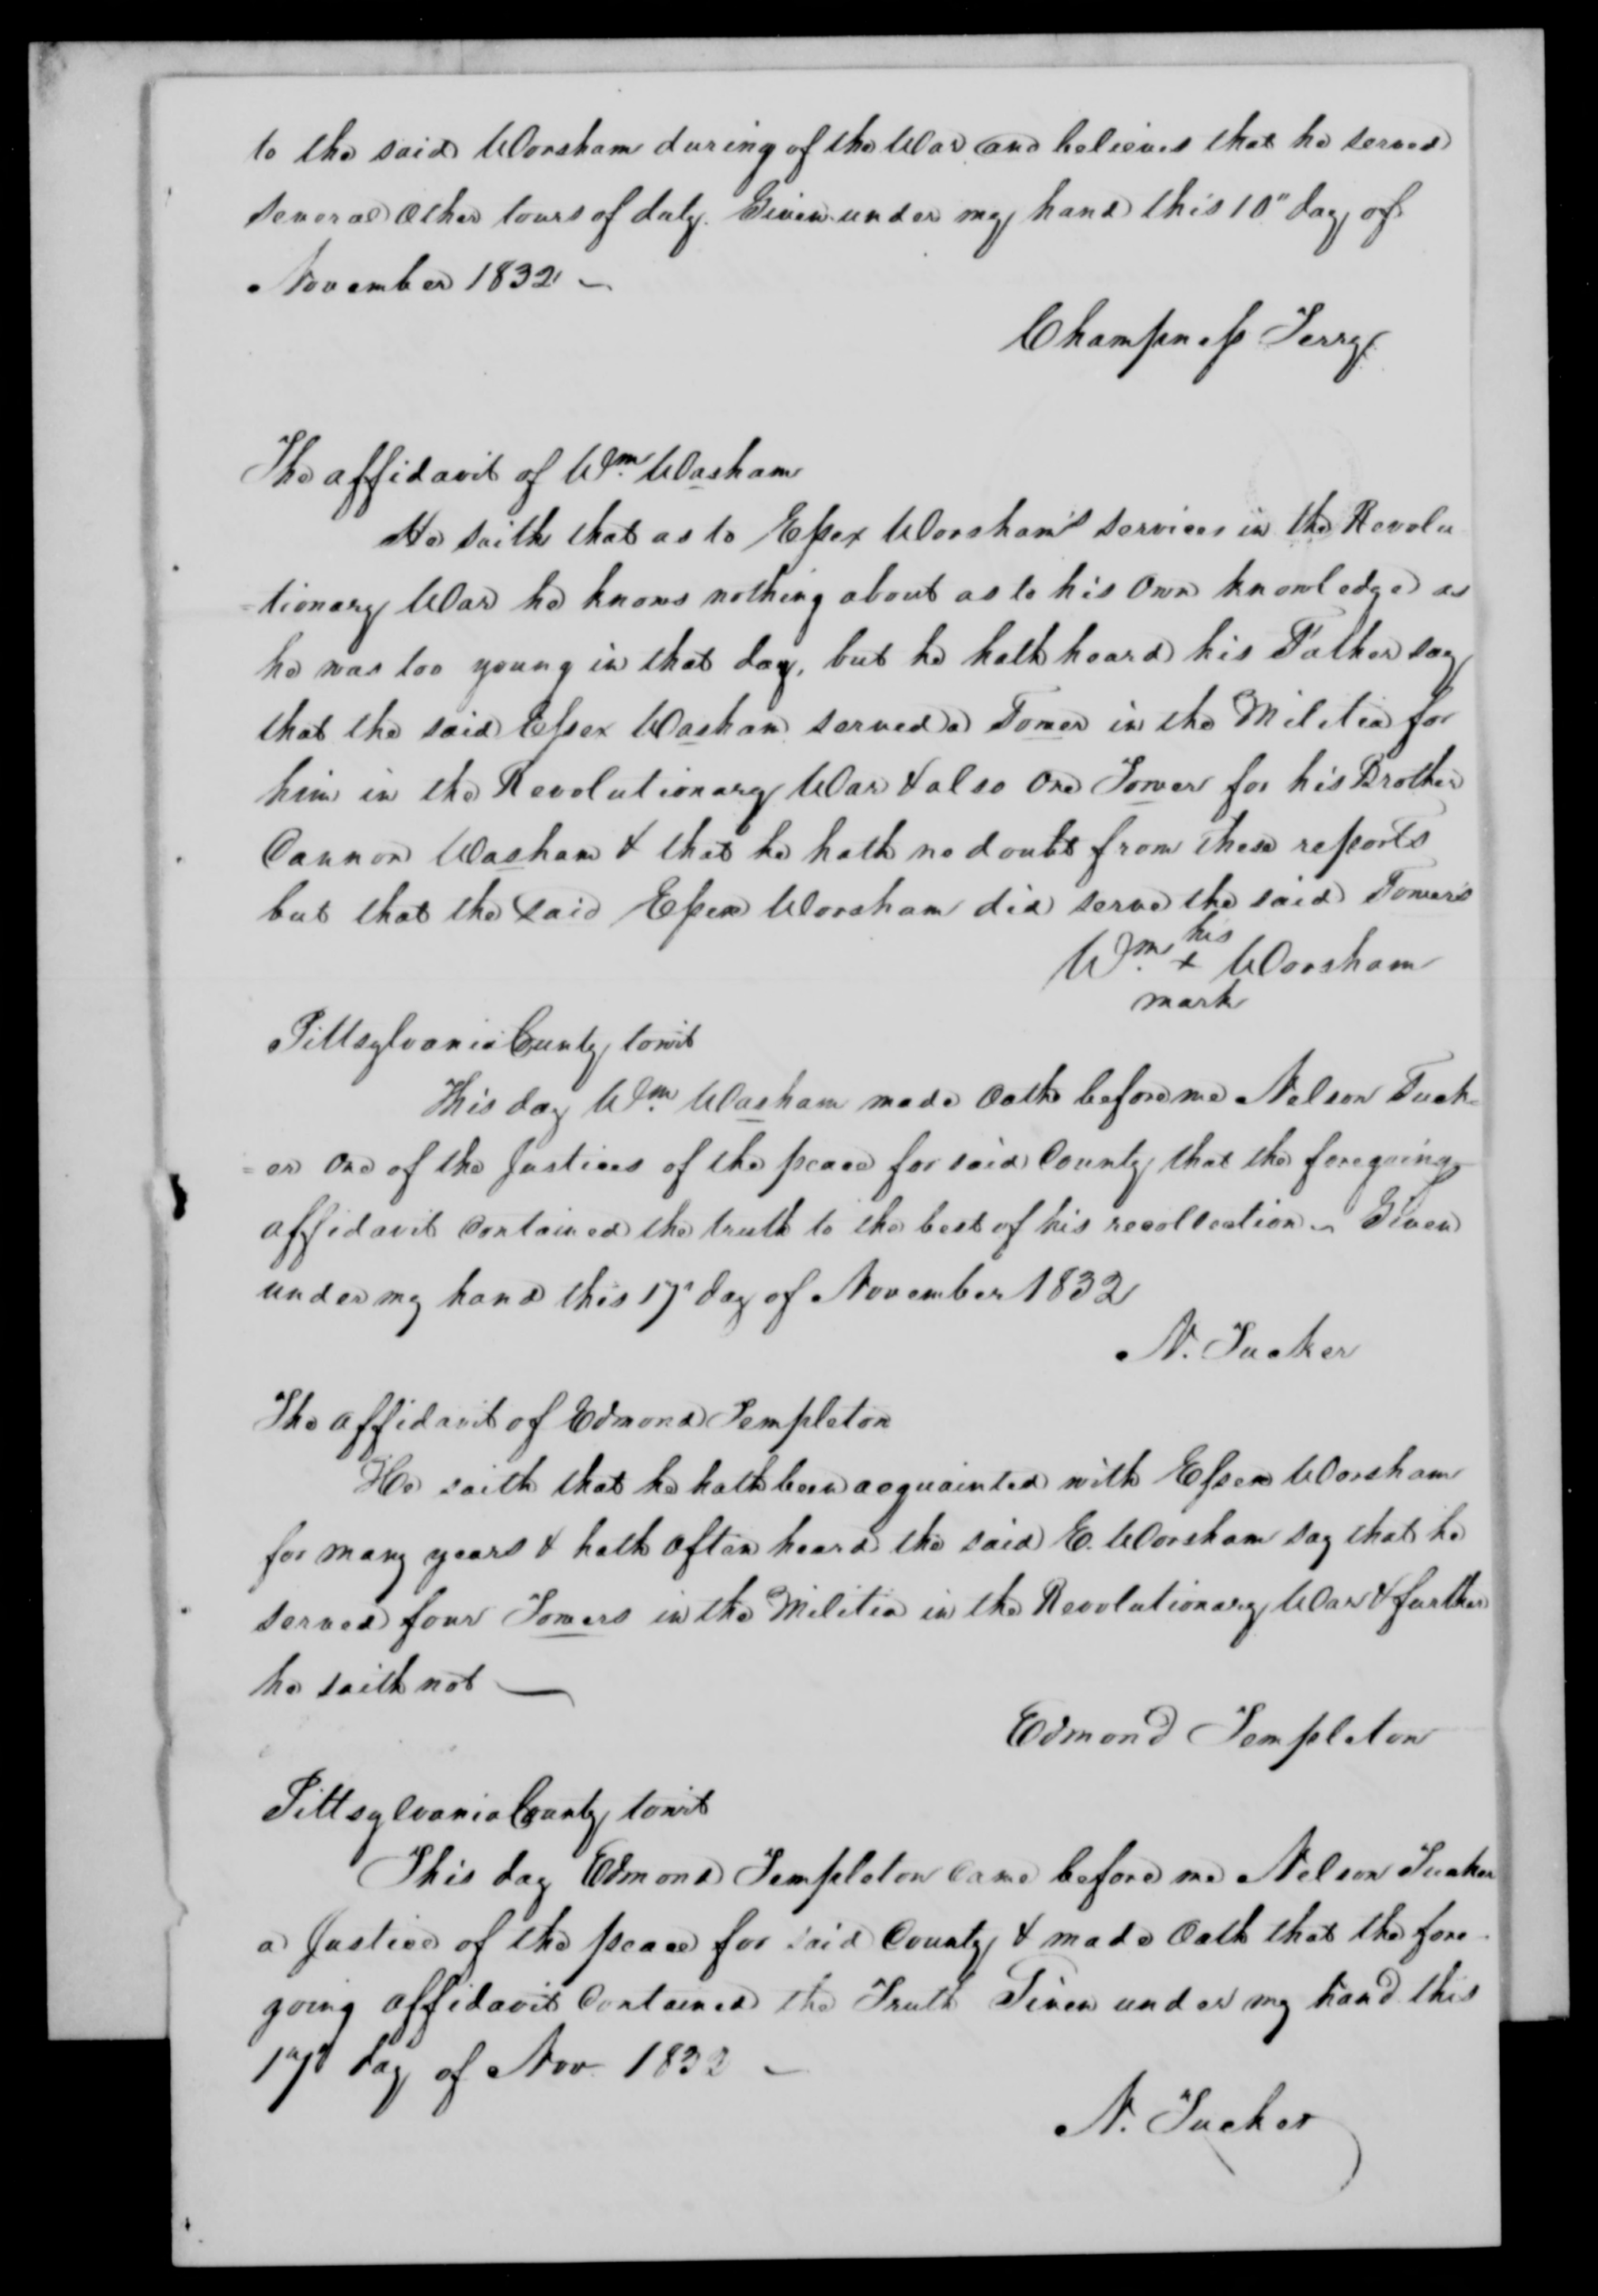to the said Worsham during of the War and believes that he served
several other tours of duty. Given under my hand this 10th day of
November 1832 -

Champness Terry

The affidavit of W.m Washam
He saith that as to Essex Worsham's services in the Revolutionary
War he know nothing about as to his own knowledge as
he was too young in that day, but to hath heard his Father say
that the said Essex Worsham served a Tower in the Militia for
him in the Revolutionary War + also one Tower for his Brother
Cannon Washam + that he hath no doubts from these reports
but that the said Essex Worsham did serve the said Tower's

his
x
mark
W.m Worsham

Pittsylvania County Court
This day W.m Washam made oath before me Nelson Tucker
one of the Justices of the peace for said County that the foregoing
affidavit contained the truth to the best of his recollection - Given
under my hand this 17th day of November 1832

N. Tucker

The affidavit of Edmond Templeton
The saith that he hath been acquainted with Essex Worsham
for many years + hath often heard the said E. Worsham say that he
served four Towers in the Militia in the Revolutionary War + further
he saith not -

Edmond Templeton

Pittsylvania County Court
This day Edmond Templeton came before me Nelson Tucker
a Justice of the peace for said county + made oath that the foregoing 
affidavit contained the Truth Given under my hand this
17th day of Nov 1832 - 

N. Tucker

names: Champness Terry, Edmond Templeton, Wm Worsham, Essex Worsham, Nelson Tucker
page: 7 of 16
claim: survivor's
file: S. 6,447, Essex Worsham, Va.